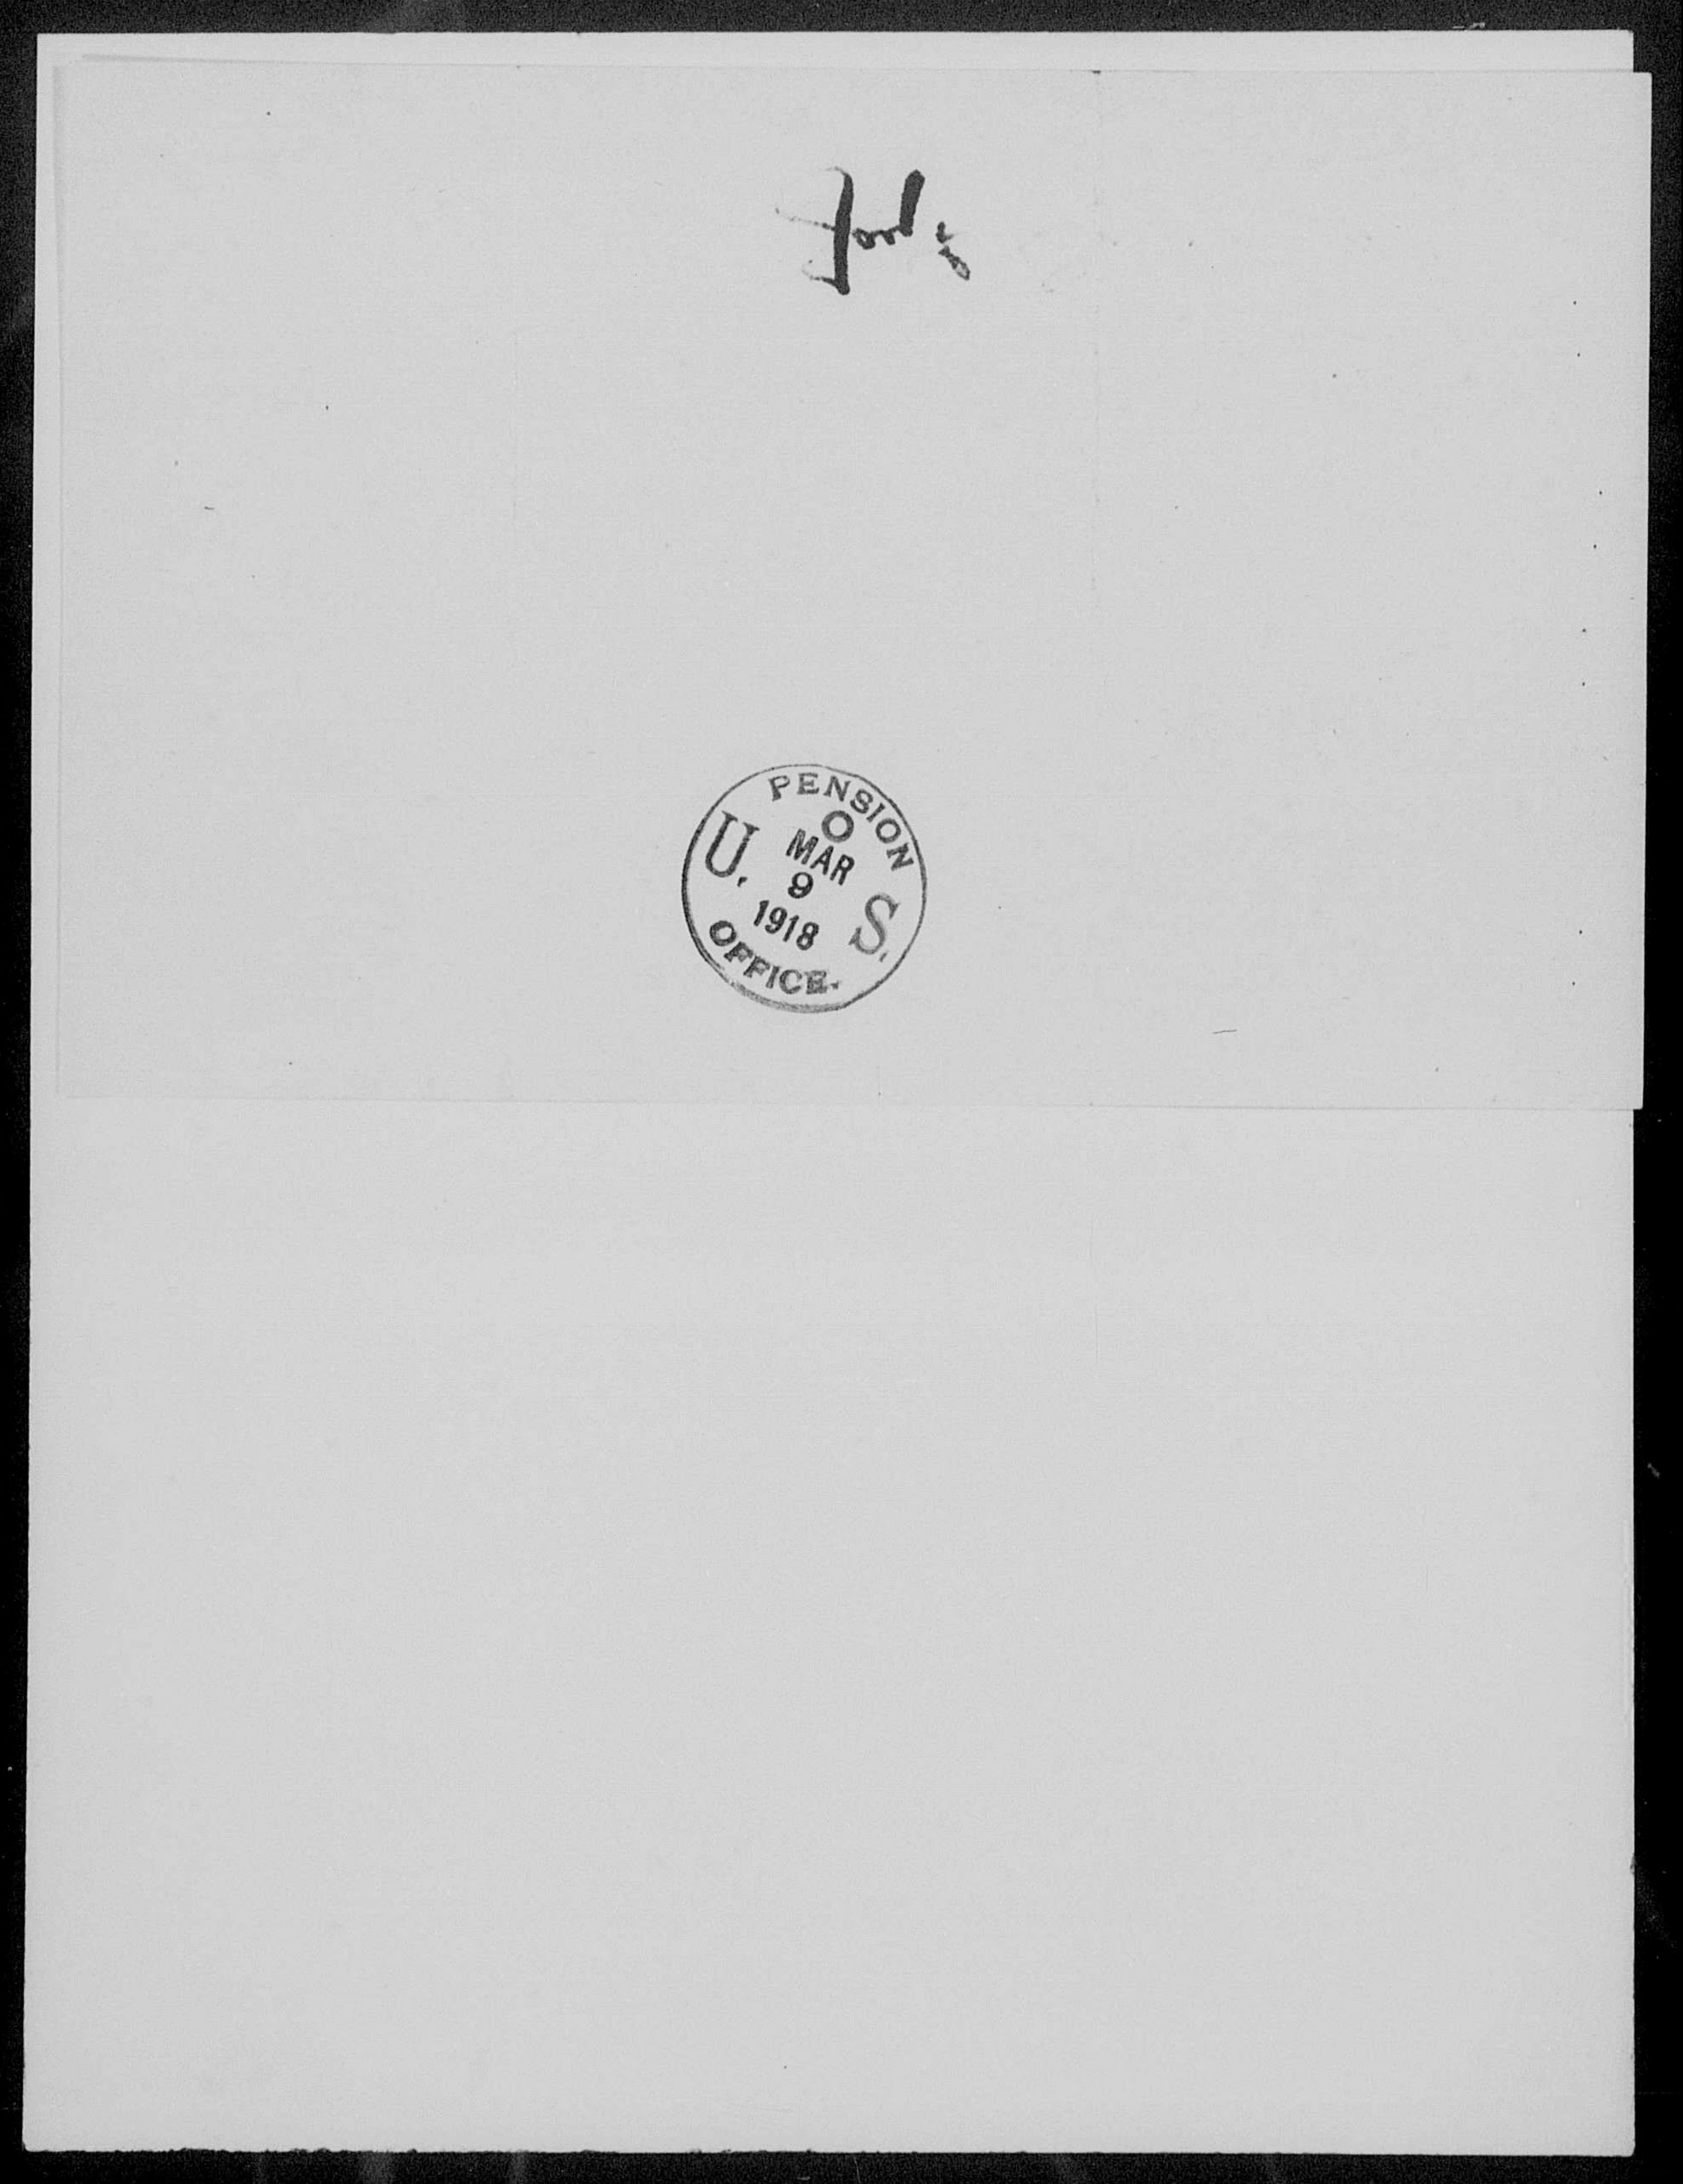PENSION O MAR 9 1918 U.S. OFFICE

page: 31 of 56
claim: survivor's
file: S. 40,055, Samuel Downing, N.H.